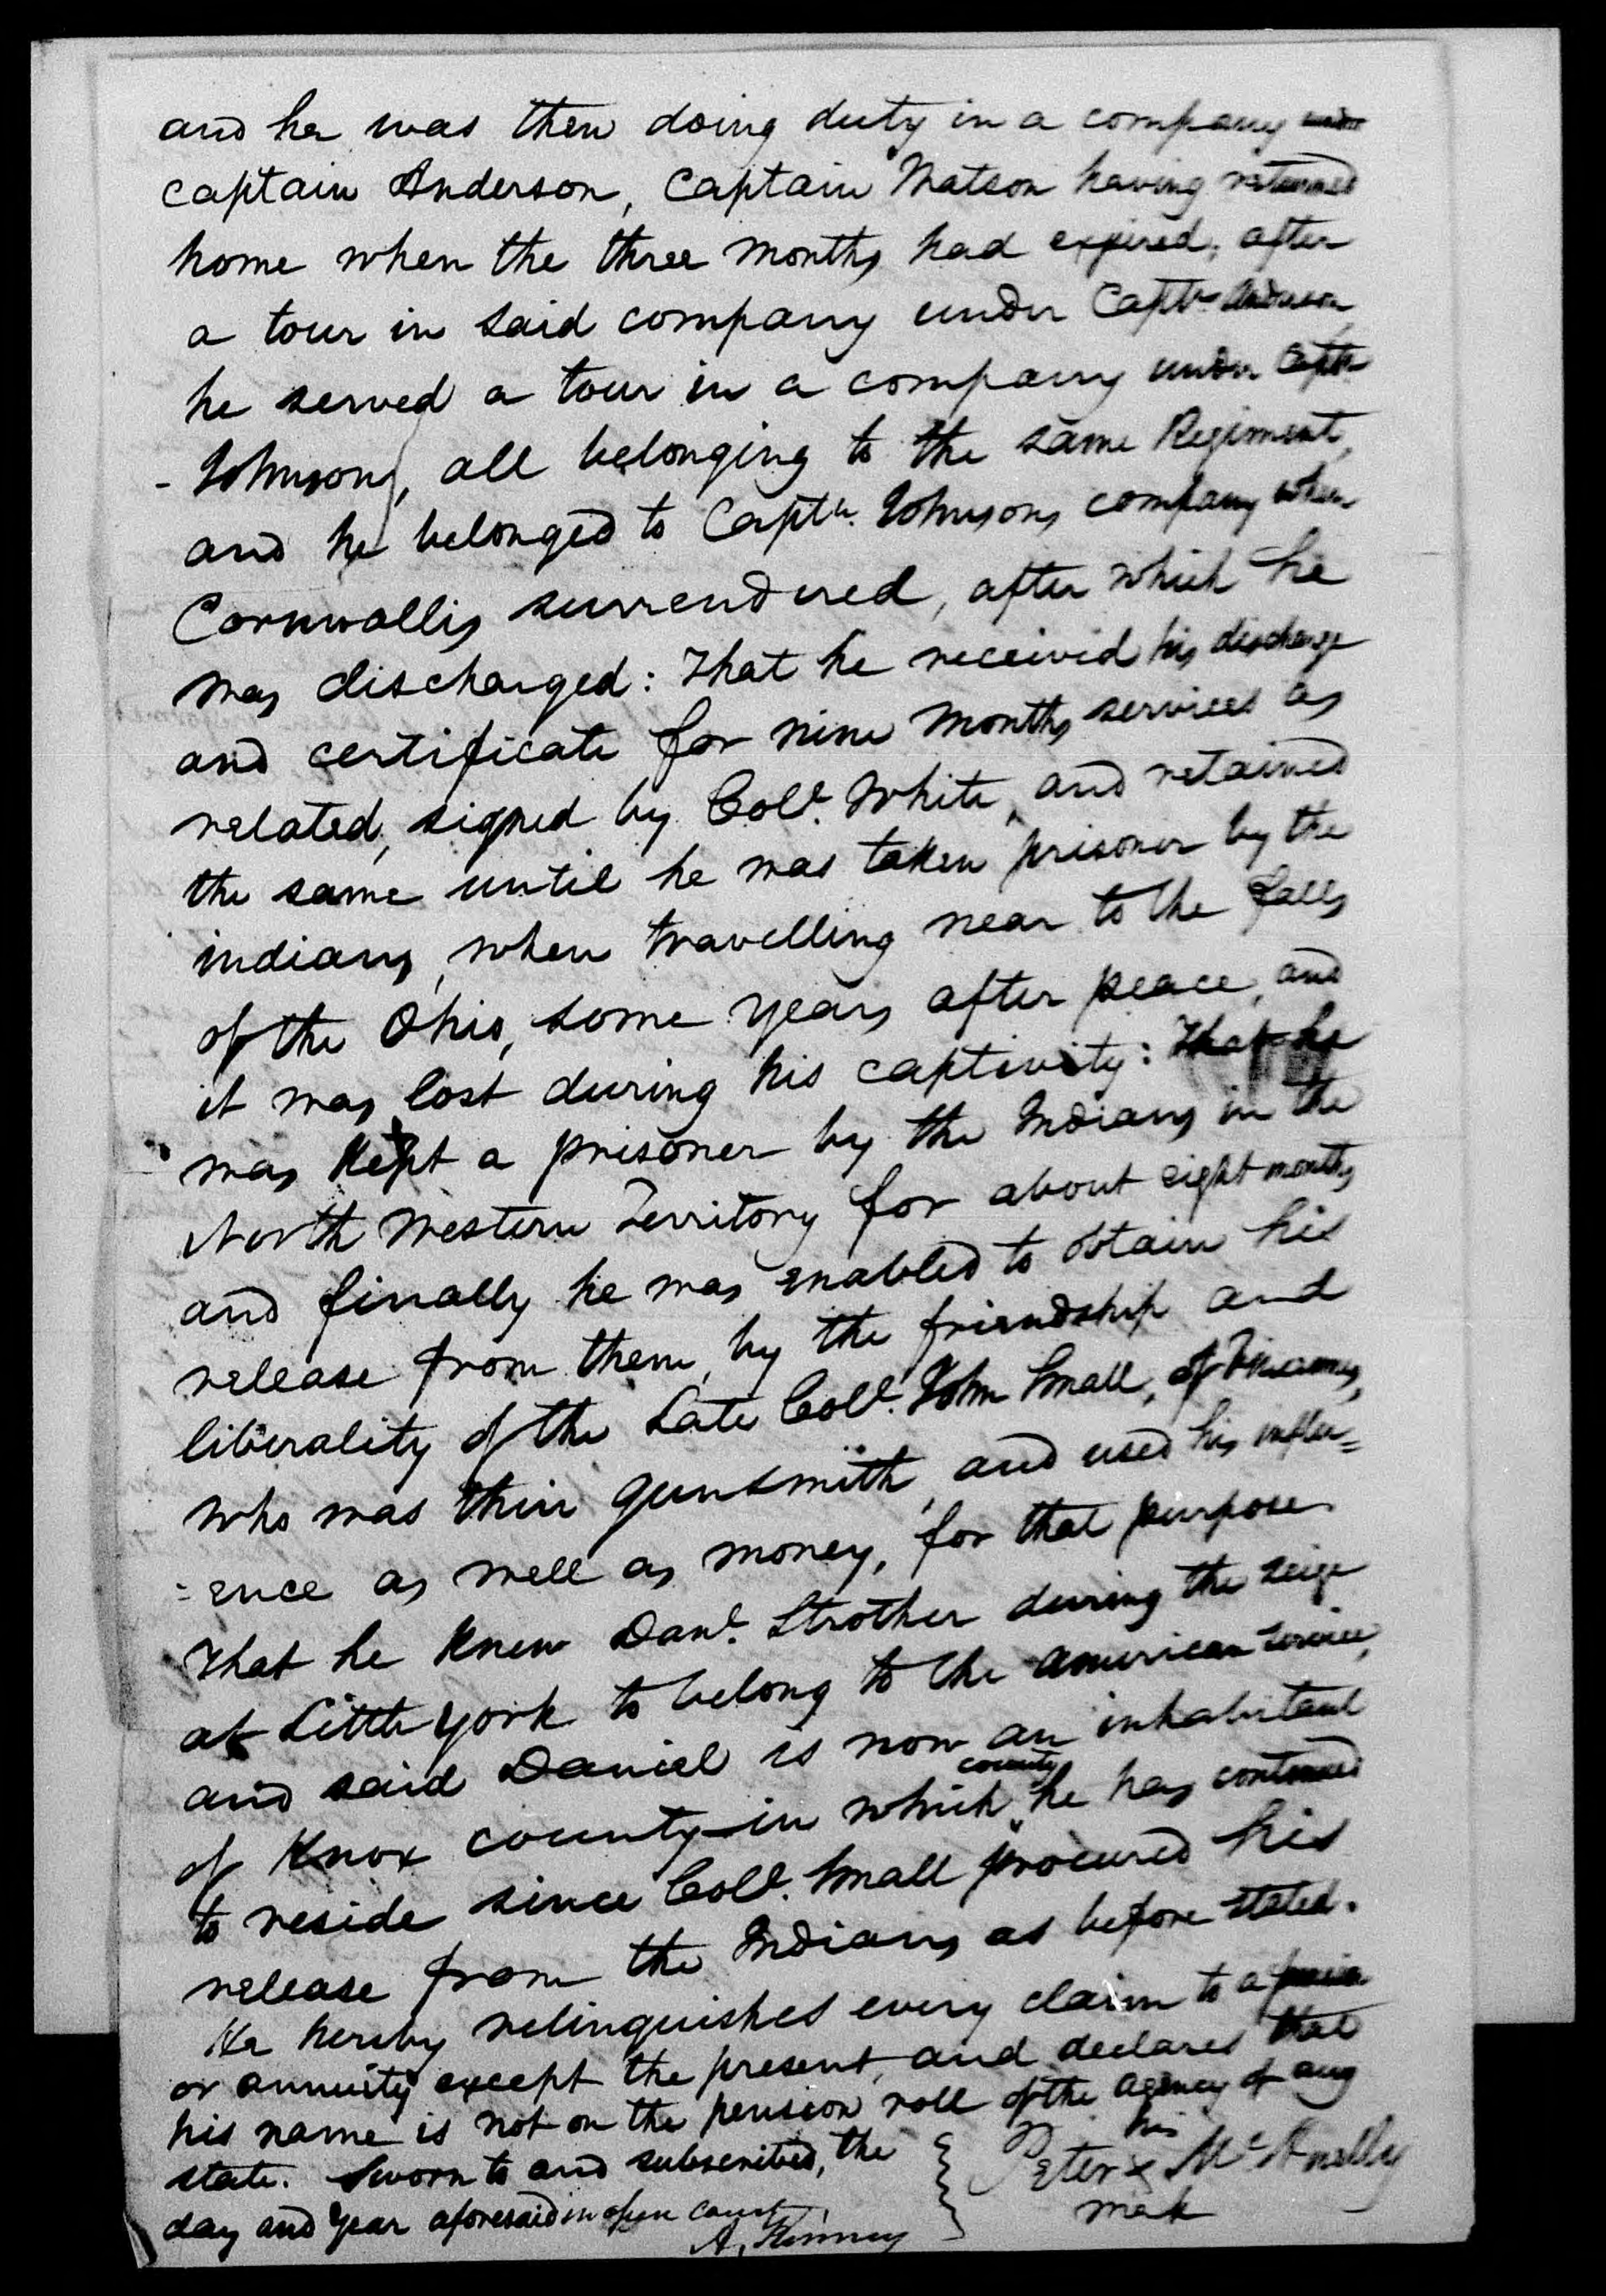and he was then doing duty in a company under Captain Anderson, Captain Watson having returned home when the three months had expired, after a tour in aid company under Captain Anderson he served a tour in a company under Captn Johnson, all belonging to the same Regiment, and he belonged to Captn. Johnsons company when Cornwallis surrendered, after which he was discharged That he received his discharge and certificate for nine months services as related, signed by Coll. White, and retained the same until he was taken prisoner by the indians, when travelling near to the falls of the Ohio, some years after peace, and it was lost during his captivity: That he was kept a prisoner by the Indians in the North Western Territory for about eight months and finally he was enabled to obtain his release from them by the friendship and liberality of the late Coll. John Small, of Vincennes who was their gunsmith and used his influence as well as money, for that purpose That he knew Danl. Strother during the seige at Little York to belong to the American service, and said Daniel is now an inhabitant of Knox county in which county he has continued to reside, since Coll. Small procured his release from the Indians as before stated. He hereby relinquishes every claim to a pension or annuity except the present and declared that his name is not on the pension roll of the agency of any state
Peter McAnelly X his mark

Sworn to and subscribed, the day and year aforesaid in open court
A. Kinney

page: 6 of 19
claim: survivor's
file: S. 16467, for Peter Mc Anelly, Virginia